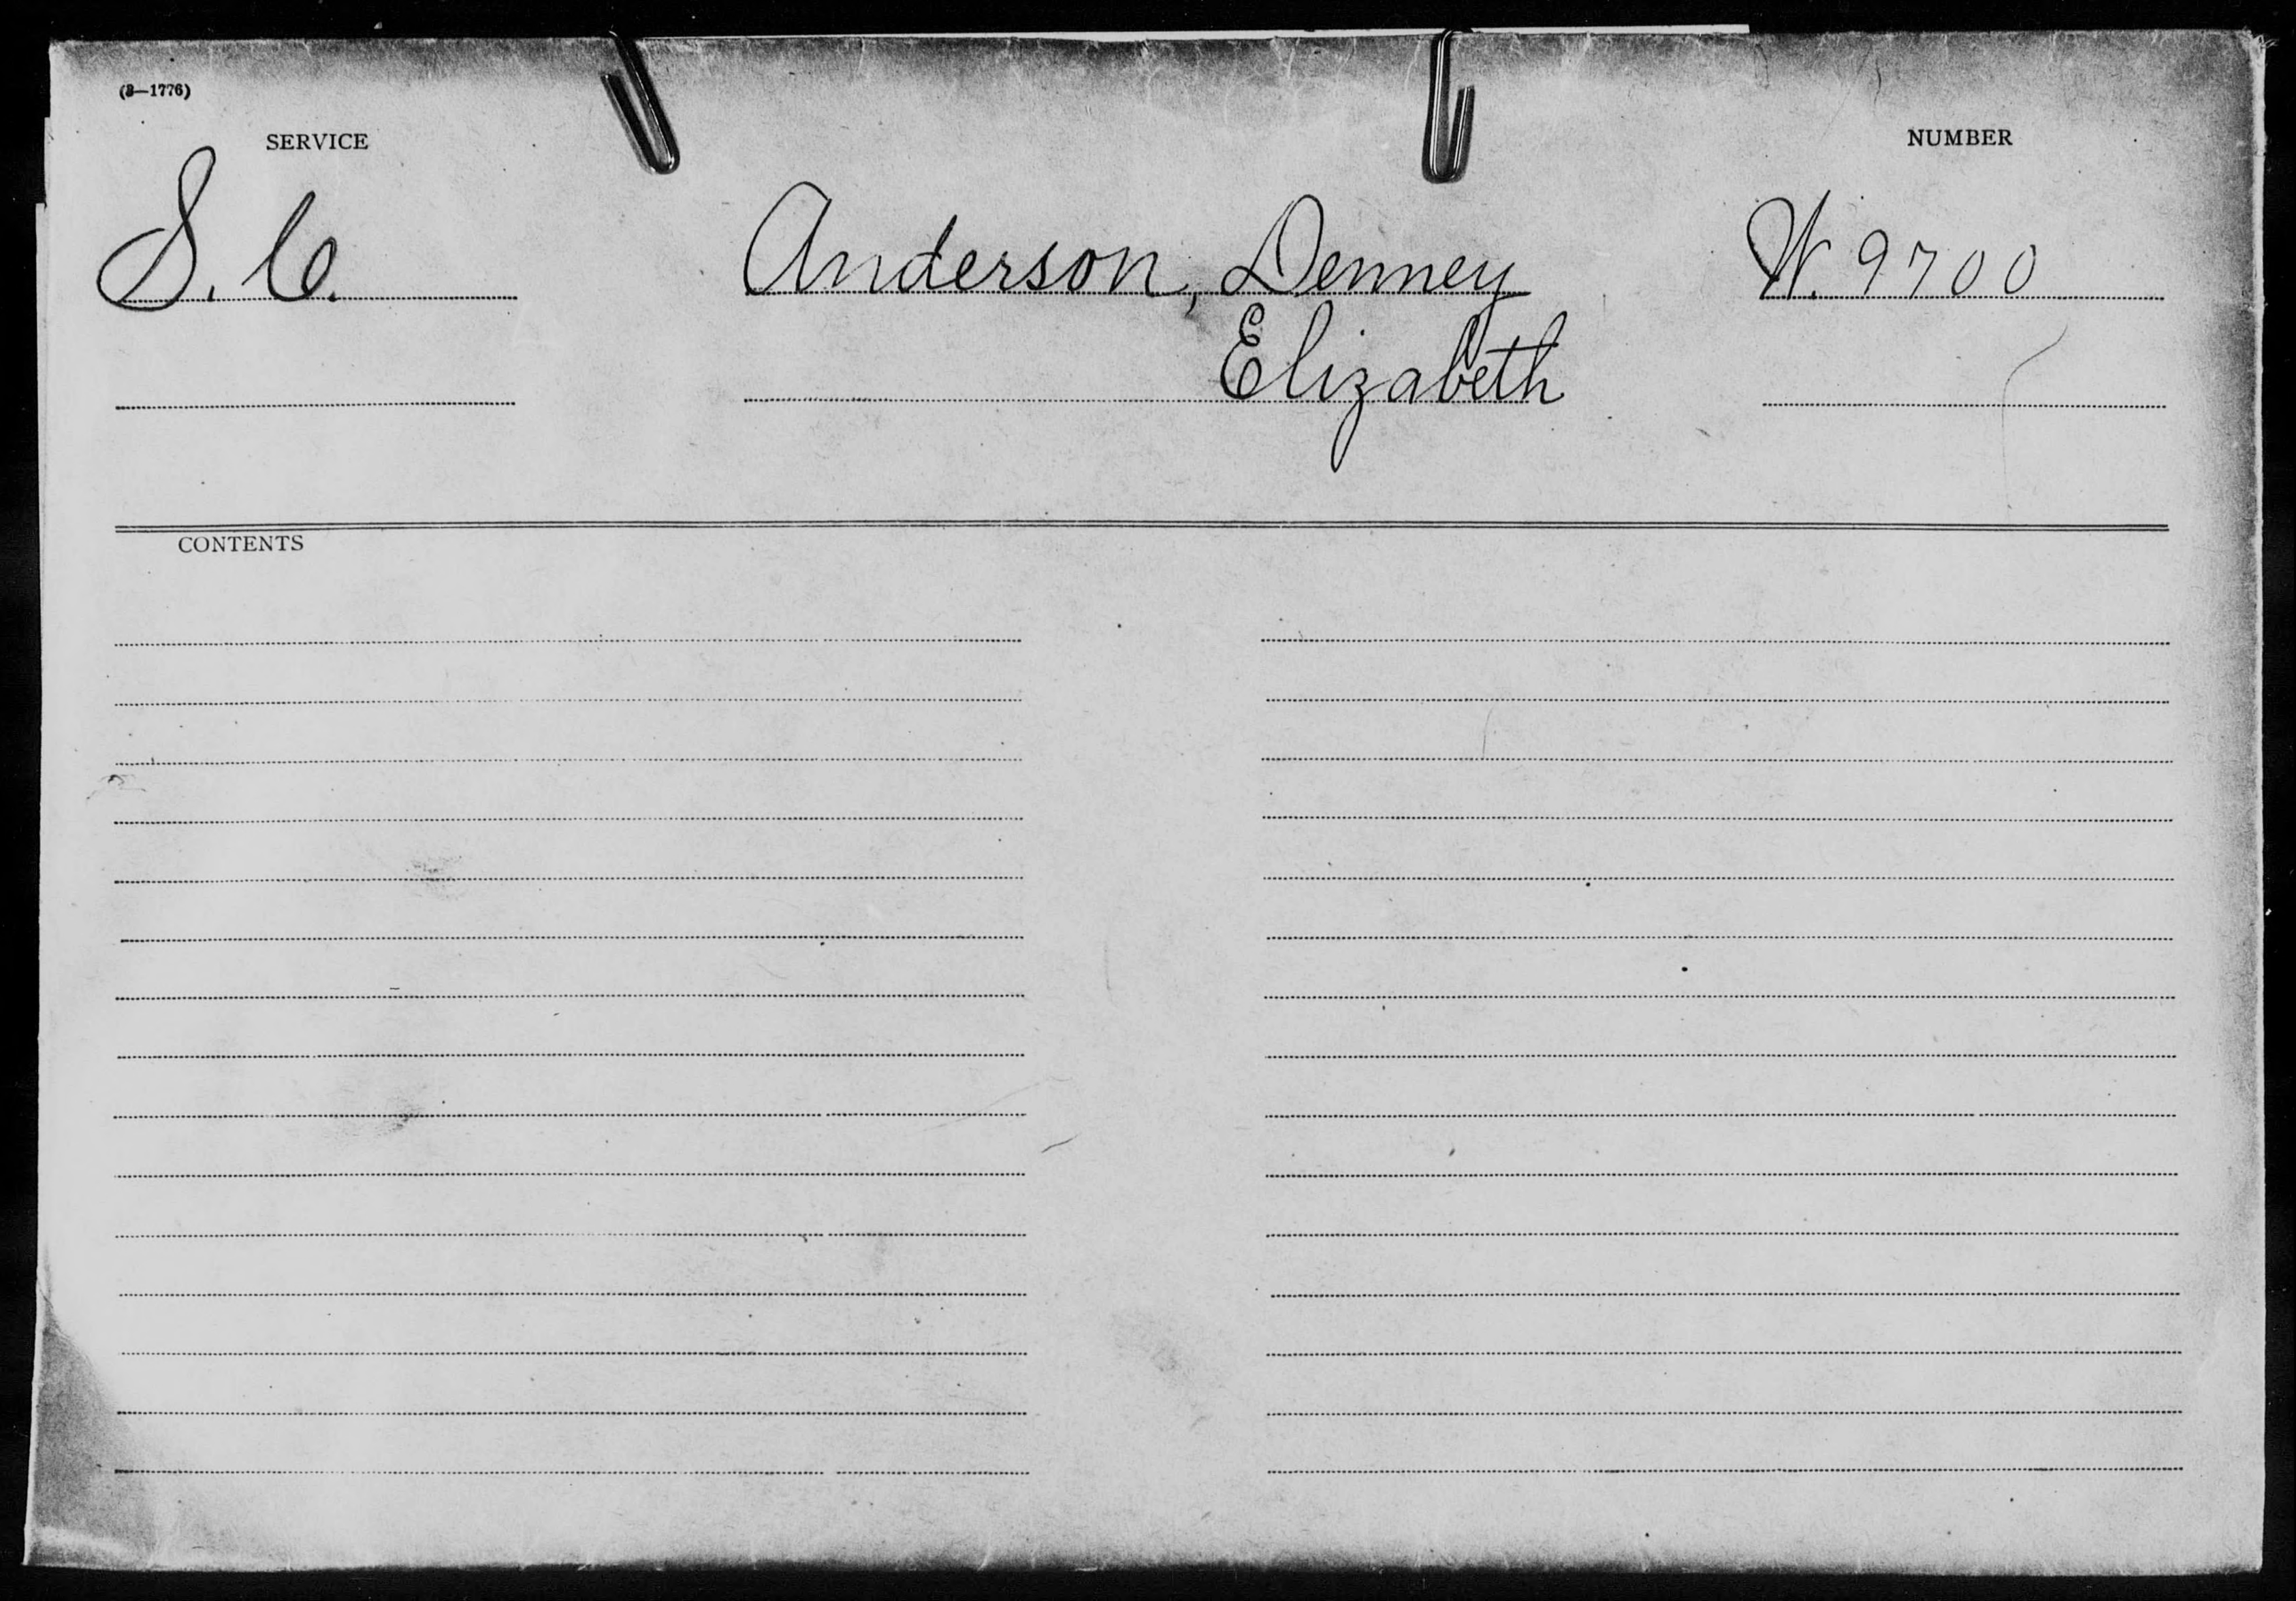(3-1776)
SERVICE
S.C.
Anderson, Denney
Elizabeth
NUMBER
W. 9700
CONTENTS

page: 1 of 51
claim: widow's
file: W. 9700, Denney Anderson, S.C.